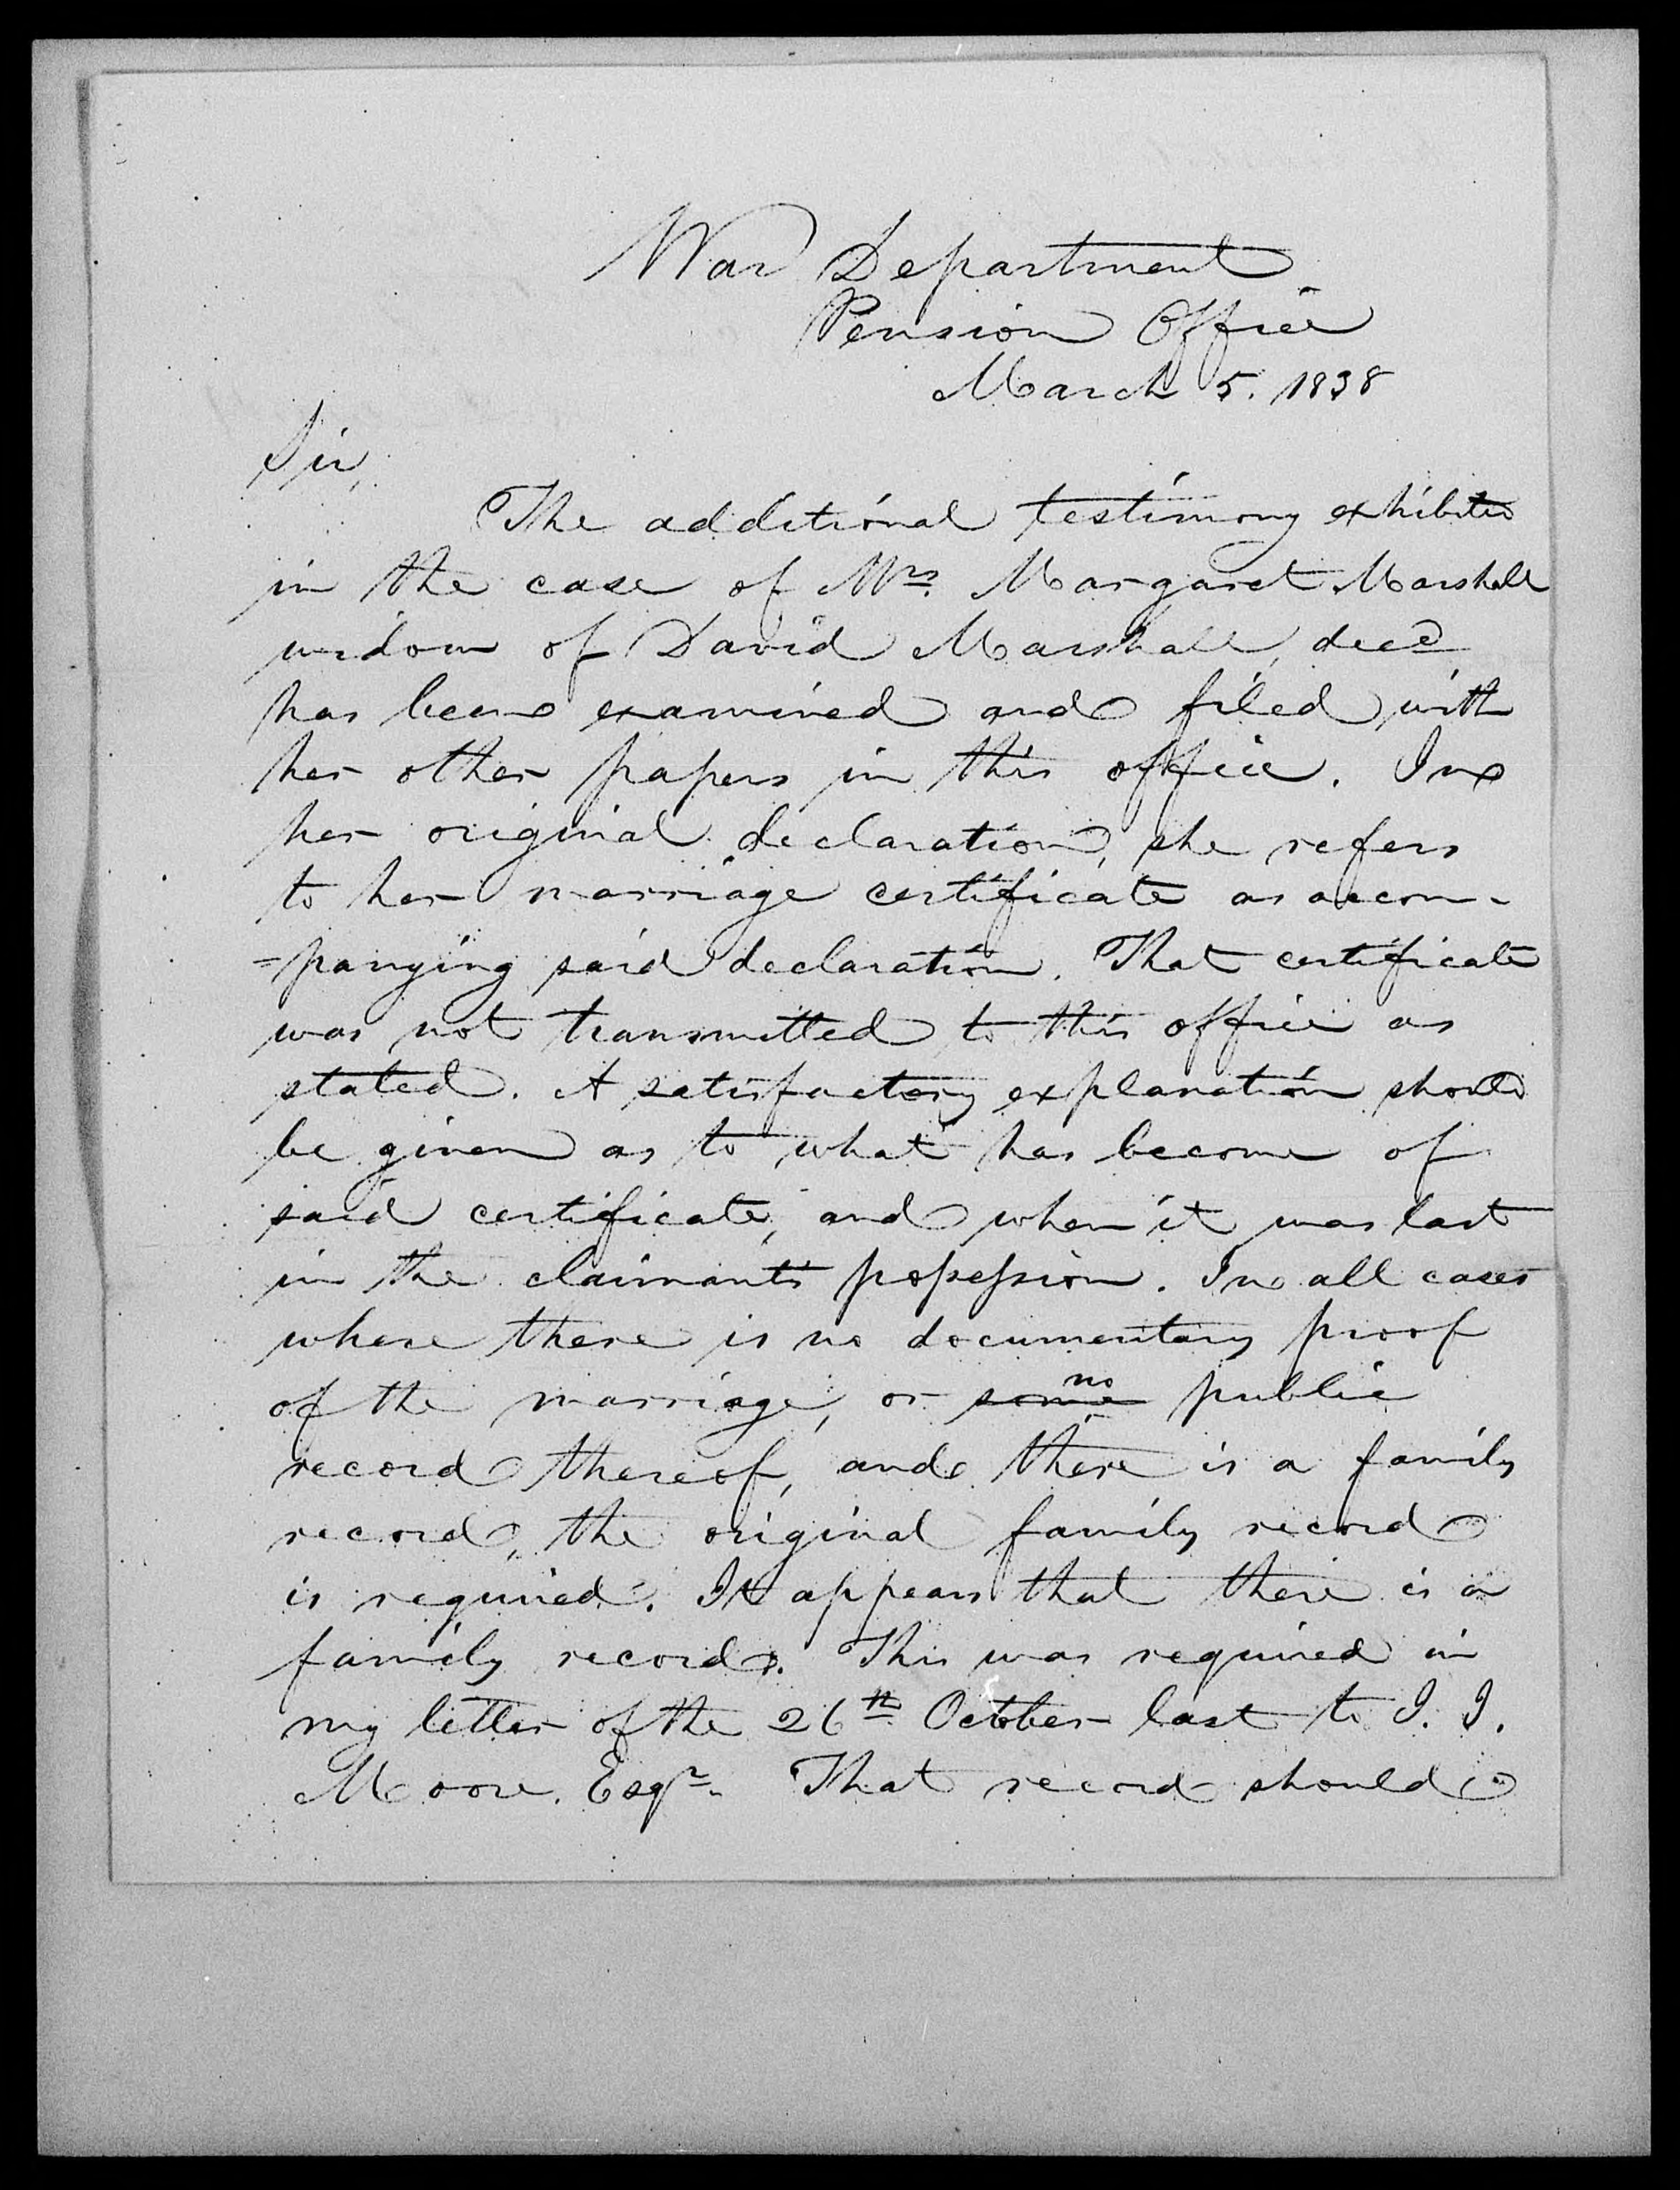War Department
Pension Office
March 5, 1838

Sir,

The additional testimony exhibited in the case of Mrs. Margaret Marsahll widow of David Marshall died has been examined and filed with her other papers in this office. In her original declaration she refers to her marriage certificate as accompanying said declaration. That certificate was not transmitted to this office as stated. A satisfactory explanation should be given as to what has become of said certificate, and when it was last in the claimant's possession. In all cases where there is no documentary proof of the marriage, or no public record thereof, and there is a family record, the original family record is required. It appears that there is a family record. This was required in my letter of the 26th October las to J. J. Moore Esq. That record should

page: 37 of 86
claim: widow's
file: W. 3571, for David Marshall, Pennsylvania